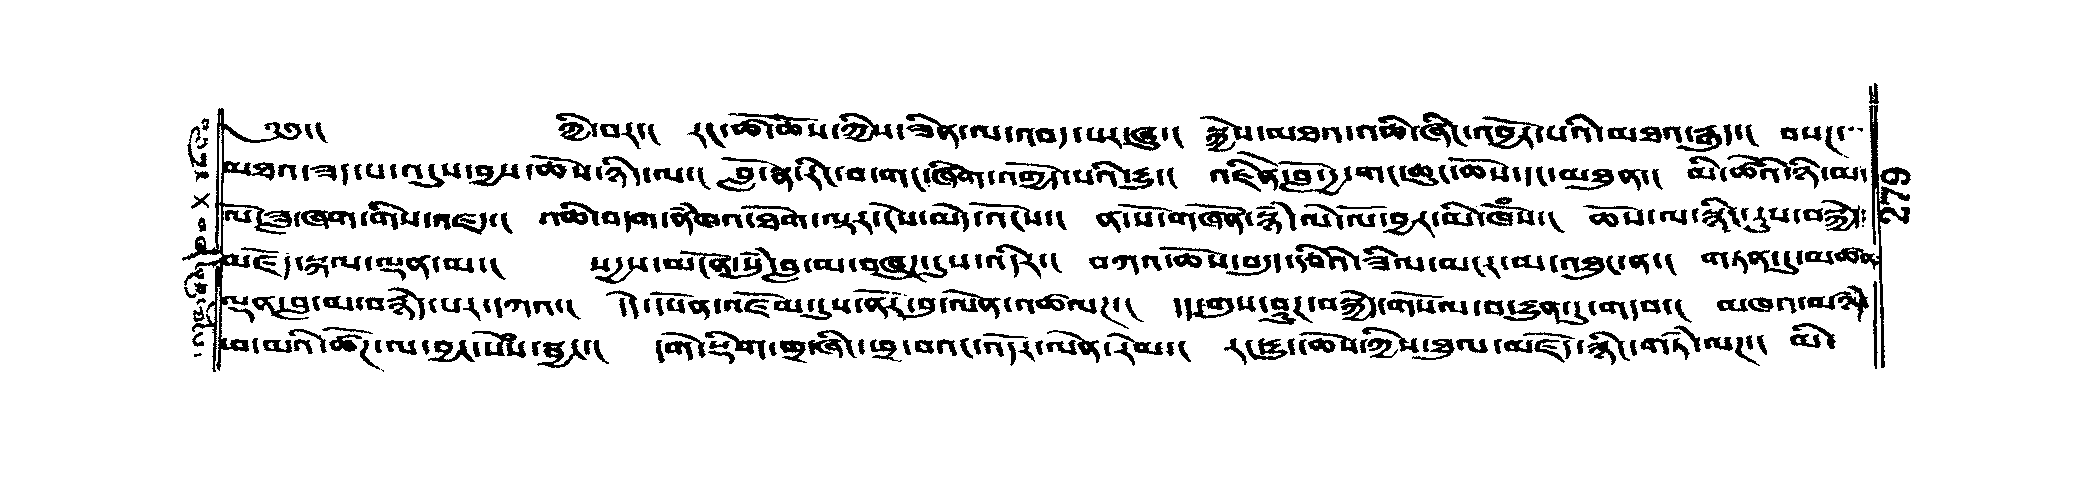ཀྱི་བར། །རང་ཚོད་ཆོས་ཀྱི་ཟིན་ལ་འབད་པར་ཞུ། །སྐྱེས་མཐའ་འཆི་ཞིང་འབྱོར་པའི་མཐའ་མ་རྒུད། །བསགས་
མཐའ་ཟད་པ་འདུས་བྱས་ཆོས་ཉིད་ལ། །བློ་སྣ་རིང་བ་གང་ཞིག་འགྱོད་པའི་རྒྱུ། །འཇིག་རྟེན་བློ་རྒྱ་གང་ཆུང་ཆོས་དང་མཐུན། །མི་ཚེའི་ཉི་མ་
ལོ་ཟླ་ཞག་གི་འཛད། །འཆི་བདག་ནམ་མཁའི་ཐོག་ལྟར་ངེས་མེད་འོངས། །ན་སོ་གཞོན་སྙམ་ལེ་ལོ་བྱར་མི་ཁོམས། །ཆོས་ལ་སྙིང་རུས་བསྐྱེད་
མཛོད་སྐལ་ལྡན་མ། །སངས་རྒྱས་མངོན་སུམ་བླ་མ་བཞུགས་དུས་འདིར། །བཀའ་ཆོས་བདུད་རྩའི་ཟིལ་མངར་མ་འཐུང་ན། །གཏན་དུ་མཚན་
ལྡན་བླ་མ་བརྙེད་པར་དཀའ། །དེད་དཔོན་འཛོམ་དུས་ནོར་བུ་ལེན་འཚལ་ལགས། །དད་གུས་ཤུགས་བསྐྱེད་གསོལ་བ་རྒྱུན་དུ་གདབ། །མཁའ་མཉམ་
ཕ་མའི་ཚོགས་ལ་བྱང་སེམས་སྦྱང། །དགེ་སྡིག་ཕྲ་ཞིང་ཕྲ་བའང་འདོར་ལེན་རེམ། །རང་རྒྱུད་ཆོས་ཀྱིས་ཐུལ་མཛོད་སྙིང་གཏམ་ལགས། །མི་